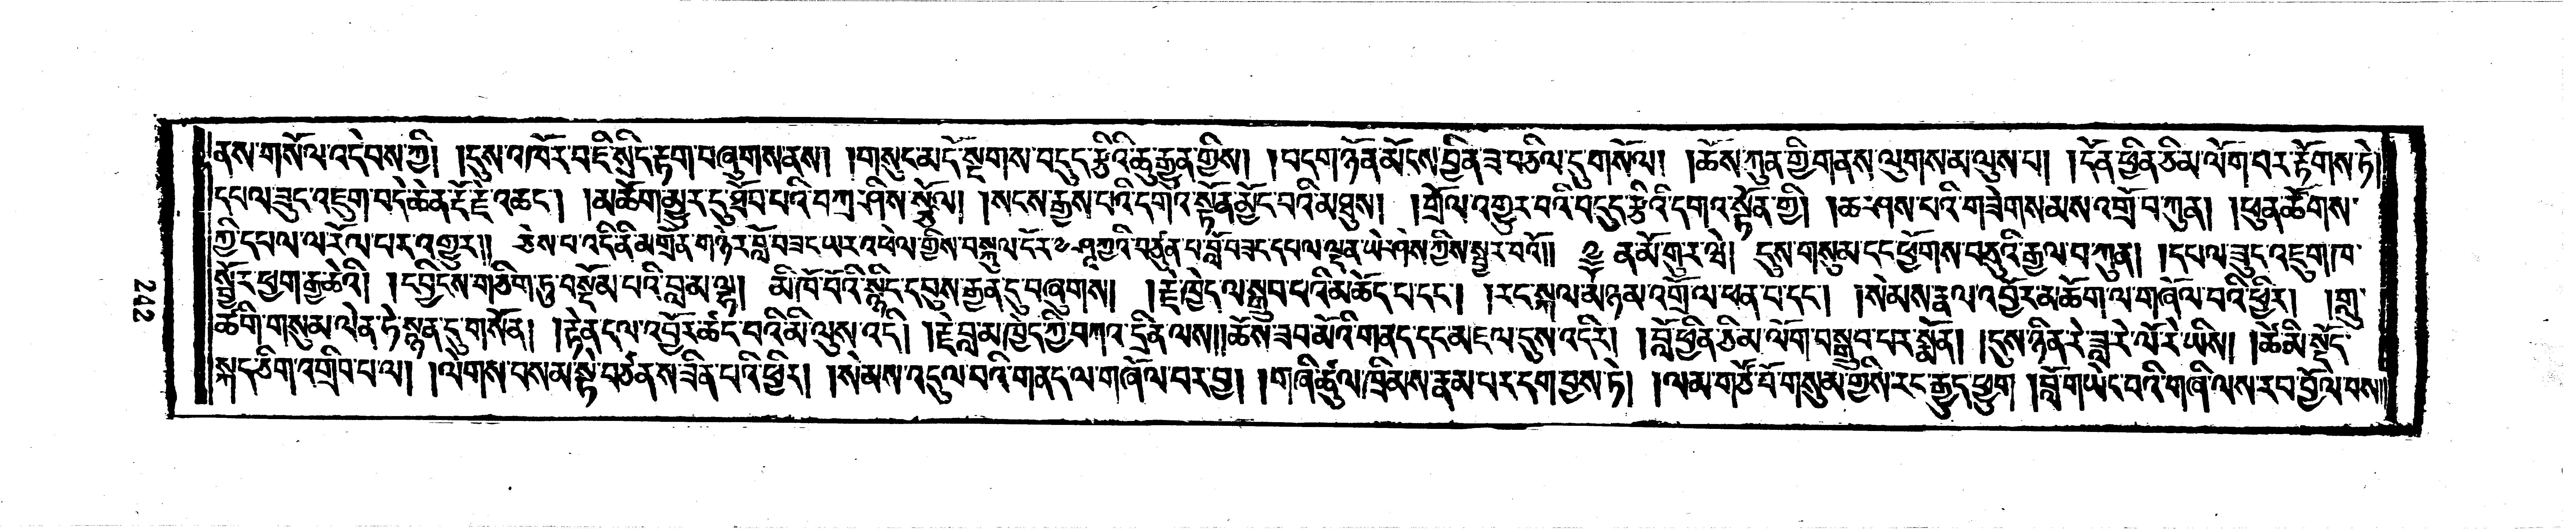ནས་གསོལ་འདེབས་ཀྱི། །དུས་འཁོར་བ་ཇི་སྲིད་རྟག་བཞུགས་ནས། །གསུང་མདོ་སྔགས་བདུད་རྩིའི་ཆུ་རྒྱུན་གྱིས། །བདག་ཉོན་མོངས་བྱིན་ཟ་བཅིལ་དུ་གསོལ། །ཆོས་ཀུན་གྱི་གནས་ལུགས་མ་ལུས་པ། །དོན་ཕྱིན་ཅི་མ་ལོག་བར་རྟོགས་ཏེ།
དཔལ་ཟུང་འཇུག་བདེ་ཆེན་རྡོ་རྗེ་འཆང་། །མཆོག་མྱུར་དུ་ཐོབ་པའི་བཀྲ་ཤིས་སྩོལ། །སངས་རྒྱས་པའི་དགའ་སྟོན་མྱོང་བའི་མཐུས། །གྲོལ་འགྱུར་བའི་བདུད་རྩིའི་དགའ་སྟོན་གྱི། །ཆ་ཤས་པའི་གཟེགས་མས་འགྲོ་བ་ཀུན། །ཕུན་ཚོགས་
ཀྱི་དཔལ་ལ་རོལ་པར་འགྱུར།། ཅེས་པ་འདི་ནི་མགྲོན་གཉེར་བློ་བཟང་ཡར་འཕེལ་གྱིས་བསྐུལ་ངོར་༧་ཤཱཀྱའི་བཙུན་པ་བློ་བཟང་དཔལ་ལྡན་ཡེ་ཤེས་ཀྱིས་སྦྱར་བའོ།། ༈ ན་མོ་གུ་ར་ཝེ། དུས་གསུམ་དང་ཕྱོགས་བཅུའི་རྒྱལ་བ་ཀུན། །དཔལ་ཟུང་འཇུག་ཁ་
སྦྱོར་ཕྱག་རྒྱ་ཆེའི། །དབྱིངས་གཅིག་ཏུ་བསྡོམ་པའི་བླ་མ་ལྷ། མི་ཁོ་བོའི་སྙིང་དབུས་རྒྱན་དུ་བཞུགས། །རྗེ་ཁྱེད་ལ་སྒྲུབ་པའི་མཆོད་པ་དང་། །རང་སྐལ་མཉམ་འགྲོ་ལ་ཕན་པ་དང་། །སེམས་རྣལ་འབྱོར་མཆོག་ལ་གཞོལ་བའི་ཕྱིར། །གླུ་
ཚིག་གསུམ་ལེན་ཧེ་སྙན་དུ་གསོན། །རྟེན་དལ་འབྱོར་ཚང་བའི་མི་ལུས་འདི། །རྗེ་བླ་མ་ཁྱེད་ཀྱི་བཀའ་དྲིན་ལས། །ཆོས་ཟབ་མོའི་གནད་དང་མཇལ་དུས་འདིར། །བློ་ཕྱིན་ཅི་མ་ལོག་བསྒྲུབ་པར་སྨོན། །དུས་ཉིན་རེ་ཟླ་རེ་ལོ་རེ་ཡིས། །ཚེ་མི་སྡོད་
སྐད་ཅིག་འགྲིབ་པ་ལ། །ལེགས་བསམ་སྟེ་བཙན་ས་ཟིན་པའི་ཕྱིར། །སེམས་འདུལ་བའི་གནད་ལ་གཞོལ་བར་བྱ། །གཞི་ཚུལ་ཁྲིམས་རྣམ་པར་དག་བྱས་ཏེ། །ལམ་གཙོ་བོ་གསུམ་གྱིས་རང་རྒྱུད་ཕྱུག །བློ་གཡེང་བའི་གཞི་ལས་རབ་བྱོལ་བས།།